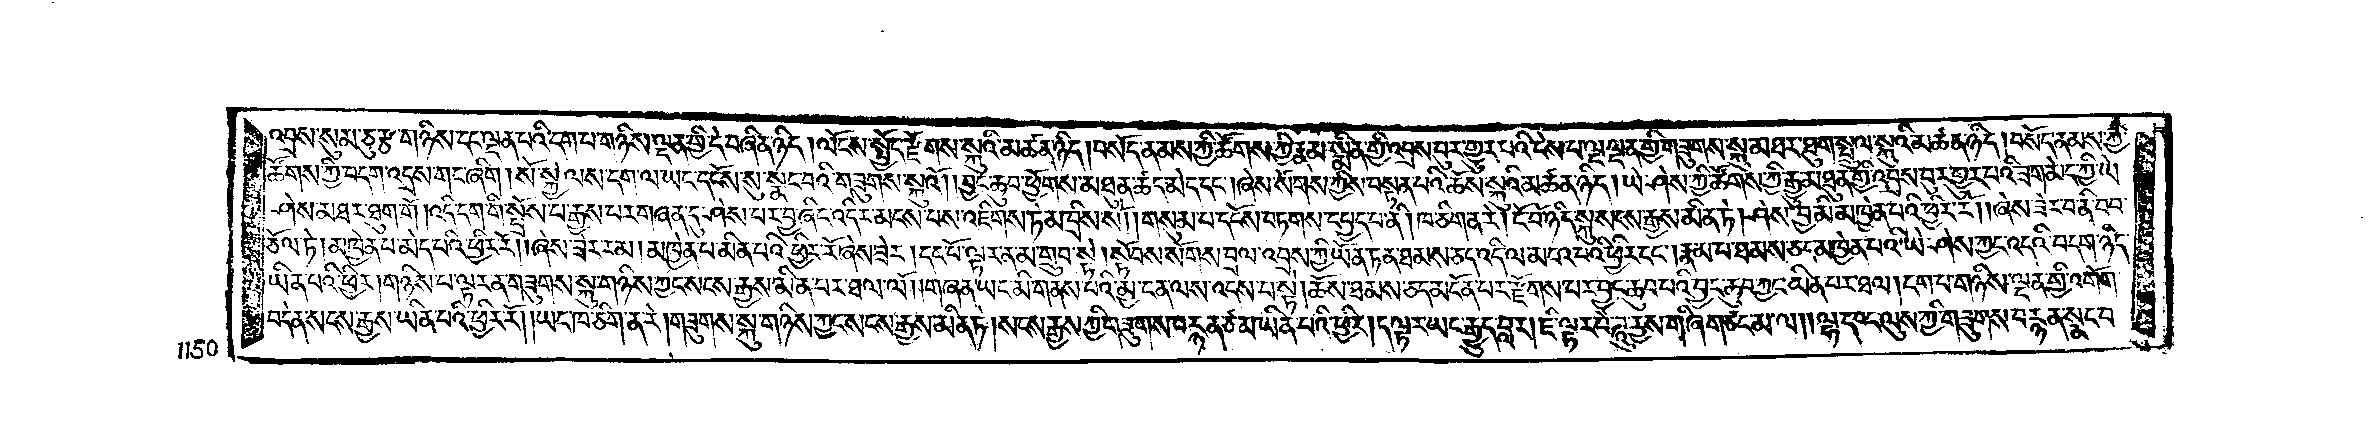འབྲས་སུམ་ཅུ་རྩ་གཉིས་དང་ལྡན་པའི་དག་པ་གཉིས་ལྡན་གྱི་དེ་བཞིན་ཉིད། ལོངས་སྤྱོད་རྫོགས་སྐུའི་མཚན་ཉིད། བསོད་ནམས་ཀྱི་ཚོགས་ཀྱི་རྣམ་སྨིན་གྱི་འབྲས་བུར་གྱུར་པའི་ངེས་པ་ལྔ་ལྡན་གྱི་གཟུགས་སྐུ་མཐར་ཐུག་སྤྲུལ་སྐུའི་མཚན་ཉིད། བསོད་ནམས་ཀྱི་
ཚོགས་ཀྱི་བདག་འདྲས་གང་ཞིག །སོ་སྐྱེ་ལས་དག་ལ་ཡང་དངོས་སུ་སྣང་བའི་གཟུགས་སྐུའོ། །བྱང་ཆུབ་ཕྱོགས་མཐུན་ཚད་མེད་དང་། ཞེས་སོགས་ཀྱིས་བསྟན་པའི་ཆོས་སྐུའི་མཚན་ཉིད། ཡེ་ཤེས་ཀྱི་ཚོགས་ཀྱི་རྒྱུ་མཐུན་གྱི་འབྲས་བུར་གྱུར་པའི་ཟག་མེད་ཀྱི་ཡེ་
ཤེས་མཐར་ཐུག་གོ །འདི་དག་གི་སྤྲོས་པ་རྒྱས་པར་གཞན་དུ་ཤེས་པར་བྱ་ཞིང་འདིར་མངས་པས་འཇིགས་ཏེ་མ་བྲིས་སོ། །གསུམ་པ་དངོས་བཏགས་དཔྱད་པ་ནི། ཁ་ཅིག་ན་རེ། ངོ་བོ་ཉིད་སྐུ་སངས་རྒྱས་མིན་ཏེ། ཤེས་བྱ་མི་མཁྱེན་པའི་ཕྱིར་རོ། །ཞེས་ཟེར་བ་ནི་བབ་
ཅོལ་ཏེ། མཁྱེན་པ་མེད་པའི་ཕྱིར་རོ། །ཞེས་ཟེར་རམ། མཁྱེན་པ་མིན་པའི་ཕྱིར་རོ་ཞེས་ཟེར། དང་པོ་ལྟར་ན་མ་གྲུབ་སྟེ། སྟོབས་སོགས་བྲལ་འབྲས་ཀྱི་ཡོན་ཏན་ཐམས་ཅད་འདི་ལ་མངའ་བའི་ཕྱིར་དང་། རྣམ་པ་ཐམས་ཅད་མཁྱེན་པའི་ཡེ་ཤེས་ཀྱང་འདིའི་བདག་ཉིད་
ཡིན་པའི་ཕྱིར། གཉིས་པ་ལྟར་ན་གཟུགས་སྐུ་གཉིས་ཀྱང་སངས་རྒྱས་མིན་པར་ཐལ་ལོ། །གཞན་ཡང་མི་གནས་པའི་མྱ་ངན་ལས་འདས་པ་སྟེ། ཆོས་ཐམས་ཅད་མངོན་པར་རྫོགས་པར་བྱང་ཆུབ་པའི་བྱང་ཆུབ་ཀྱང་ཡིན་པར་ཐལ། དག་པ་གཉིས་ལྡན་གྱི་འགོག་
བདེན་སངས་རྒྱས་ཡིན་པའི་ཕྱིར་རོ། །ཡང་ཁ་ཅིག་ན་རེ། གཟུགས་སྐུ་གཉིས་ཀྱང་སངས་རྒྱས་མིན་ཏེ། སངས་རྒྱས་ཀྱི་གཟུགས་བརྙན་ཙམ་ཡིན་པའི་ཕྱིར། དེ་ལྟར་ཡང་རྒུད་བླར། ཇི་ལྟ་བཻ་ཌཱུ་རྱས་གཞི་གཙང་མ་ལ། །ལྷ་དབང་ལུས་ཀྱི་གཟུགས་བརྙན་སྣང་བ་